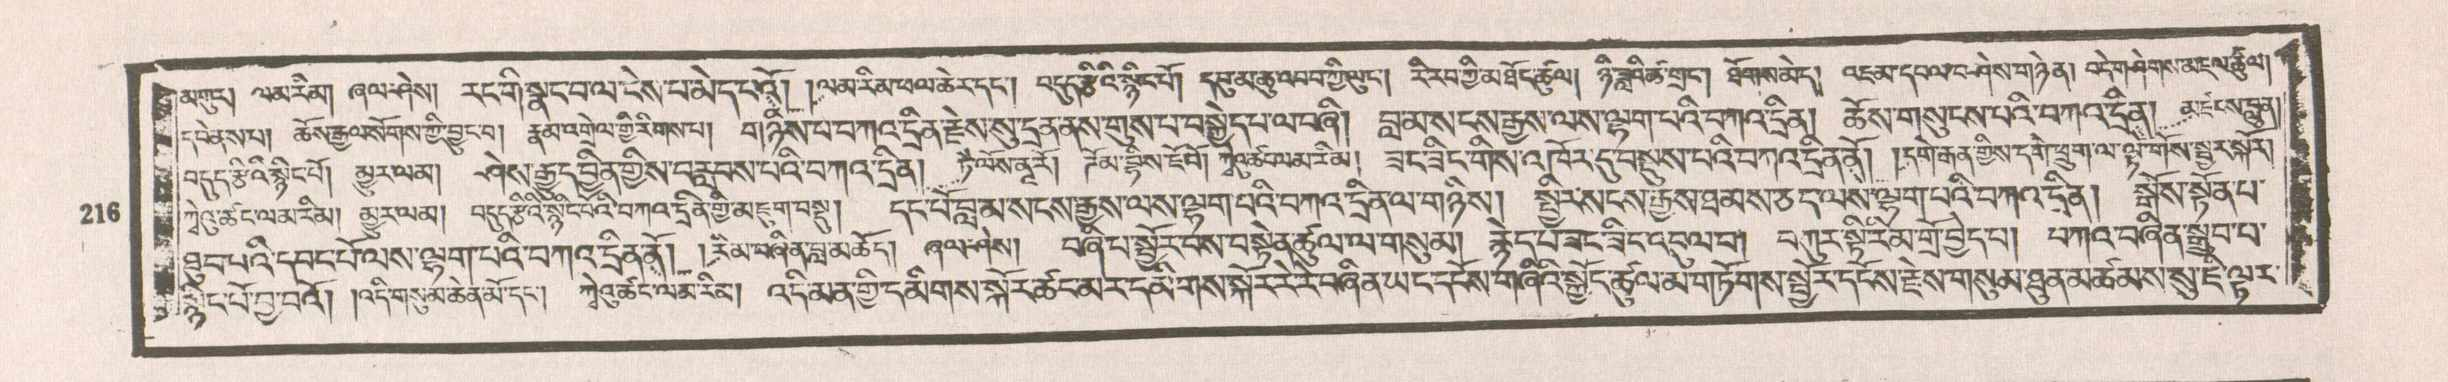མགུར། ལམ་རིམ། ཞལ་ཤེས།  རང་གི་སྣང་བ་ལ་ངེས་པ་མེད་པའོ། ། ལམ་རིམ་ཕལ་ཆེར་དང་། བདུད་རྩིའི་སྙིང་པོ། དབུ་མ་ཆུ་འབབ་ཀྱི་ལུང་། རི་རབ་ཀྱི་མཐོང་ཚུལ། ཉི་ཟླའི་ཚ་གྲང་། ཐོགས་མེད། འཇམ་དཔལ་བཤེས་གཉེན། བདེ་གཤེགས་མཇལ་ཚུལ།
དབེན་ས་པ། ཆོས་རྒྱལ་སོགས་ཀྱི་བྱུང་བ། རྣམ་འགྲེལ་གྱི་རིགས་པ།  གཉིས་པ་བཀའ་དྲིན་རྗེས་སུ་དྲན་ནས་གུས་པ་བསྐྱེད་པ་ལ་བཞི། བླ་མ་སངས་རྒྱས་ལས་ལྷག་པའི་བཀའ་དྲིན། ཆོས་གསུངས་པའི་བཀའ་དྲིན། མཛངས་བླུན།
བདུད་རྩིའི་སྙིང་པོ། མྱུར་ལམ།  ཤེས་རྒྱུད་བྱིན་གྱིས་བརླབས་པའི་བཀའ་དྲིན། ཏཻ་ལོས་ནཱ་རོ། ཌོམ་བྷིས་ཇོ་བོ། ཀྭེའུ་ཚང་ལམ་རིམ།  ཟང་ཟིང་གིས་འཁོར་དུ་བསྡུས་པའི་བཀའ་དྲིན་ནོ། ། དགེ་རྒན་གྱིས་དགེ་ཕྲུག་ལ་ལྟོ་གོས་སྦྱར་སྐོར།
ཀྭེའུ་ཚང་ལམ་རིམ། མྱུར་ལམ། བདུད་རྩིའི་སྙིང་པོའི་བཀའ་དྲིན་གྱི་མཇུག་བསྡུ།  དང་པོ་བླ་མ་སངས་རྒྱས་ལས་ལྷག་པའི་བཀའ་དྲིན་ལ་གཉིས། སྤྱིར་སངས་རྒྱས་ཐམས་ཅད་ལས་ལྷག་པའི་བཀའ་དྲིན། སྒོས་སྟོན་པ་
ཐུབ་པའི་དབང་པོ་ལས་ལྷག་པའི་བཀའ་དྲིན་ནོ། ། རིམ་བཞིན་བླ་མཆོད། ཞལ་ཤེས།  བཞི་པ་སྦྱོར་བས་བསྟེན་ཚུལ་ལ་གསུམ། རྙེད་པ་ཟང་ཟིང་འབུལ་བ། བཀུར་སྟི་རིམ་གྲོ་བྱེད་པ། བཀའ་བཞིན་སྒྲུབ་པ་
སྙིང་པོ་བྱ་བའོ། ། འདི་གསུམ་ཆེན་མོ་དང་། ཀྭེའུ་ཚང་ལམ་རིམ།  འདི་མན་གྱི་དམིགས་སྐོར་ཚང་མར་དམིགས་སྐོར་རེ་རེ་བཞིན་ཡང་དངོས་གཞིའི་སྐྱོང་ཚུལ་མ་གཏོགས་སྦྱོར་དངོས་རྗེས་གསུམ་ཐུན་མཚམས་སུ་ཇི་ལྟར་